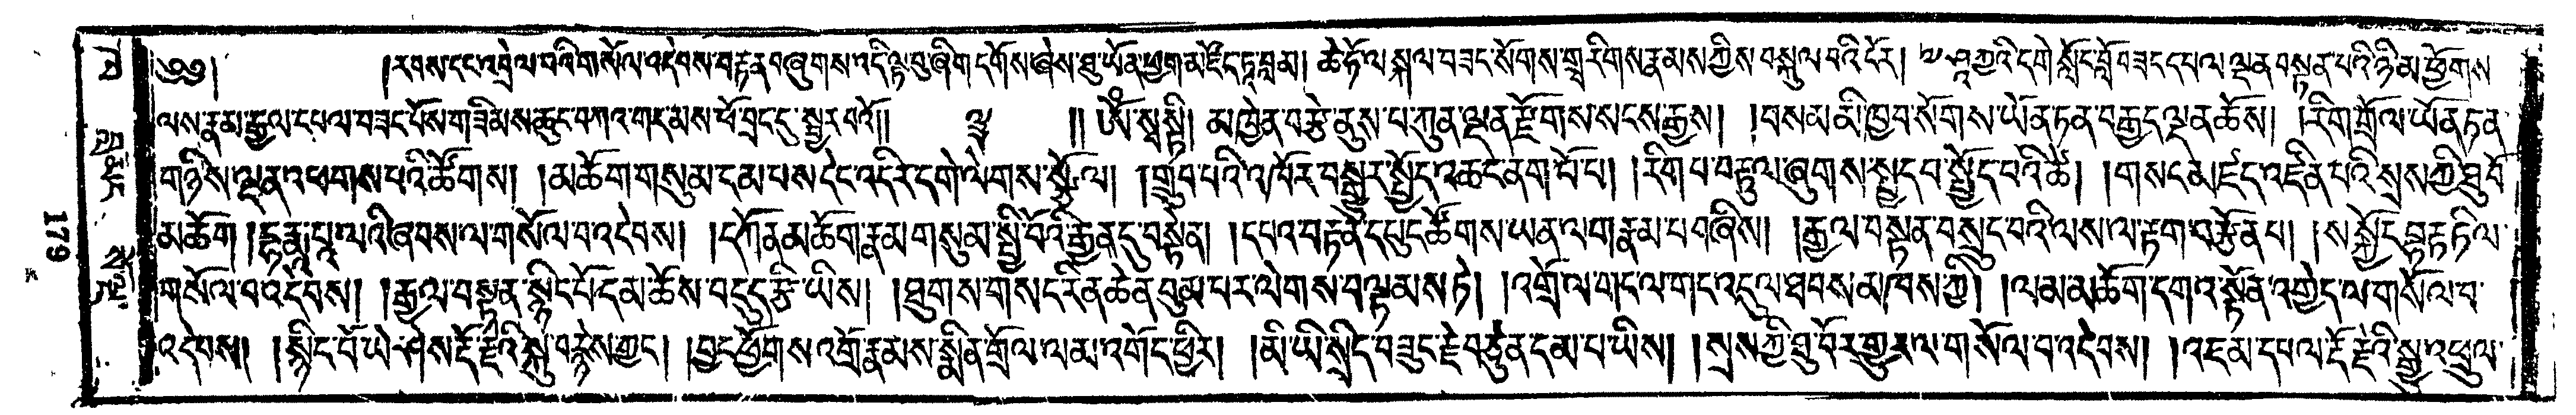༄༅། །རབས་དང་འབྲེལ་བའི་གསོལ་འདེབས་བརྟན་བཞུགས་འདི་ལྟ་བུ་ཞིག་དགོས་ཞེས་ཐུ་ཡོན་ཕྱག་མཛོད་ཏཱ་བླ་མ། ཆེ་ཧོ་ལ་སྐལ་བཟང་སོགས་གྲྭ་རིགས་རྣམས་ཀྱིས་བསྐུལ་བའི་ངོར། ༧་ཤཱཀྱའི་དགེ་སློང་བློ་བཟང་དཔལ་ལྡན་བསྟན་པའི་ཉི་མ་ཕྱོགས་
ལས་རྣམ་རྒྱལ་དཔལ་བཟང་པོས་གཟིམས་ཆུང་བཀའ་གདམས་ཕོ་བྲང་དུ་སྦྱར་བའོ།། ༈ །།ཨོཾ་སྭསྟི། མཁྱེན་བརྩེ་ནུས་པ་ཀུན་ལྡན་རྫོགས་སངས་རྒྱས། །བསམ་མི་ཁྱབ་སོགས་ཡོན་ཏན་བརྒྱད་ལྡན་ཆོས། །རིག་གྲོལ་ཡོན་ཏན་
གཉིས་ལྡན་འཕགས་པའི་ཚོགས། །མཆོག་གསུམ་དམ་པས་དེང་འདིར་དགེ་ལེགས་སྩོལ། །གྲུབ་པའི་འཁོར་བསྒྱུར་སྤྱོད་འཆང་ནག་པོ་པ། །རིག་པ་བརྟུལ་ཞུགས་སྤྱད་པ་སྤྱོད་པའི་ཚེ། །གསང་མཛད་འཛིན་པའི་སྲས་ཀྱི་ཐུ་བོ་
མཆོག །དྷརྨཱ་པཱ་ལའི་ཞབས་ལ་གསོལ་བ་འདེབས། །དཀོན་མཆོག་རྣམ་གསུམ་སྤྱི་བོའི་རྒྱན་དུ་བསྟེན། །དཔའ་བརྟན་དཔུང་ཚོགས་ཡན་ལག་རྣམ་པ་བཞིས། །རྒྱལ་བསྟན་བསྲུང་པའི་ལས་ལ་རྟག་བརྩོན་པ། །ས་སྐྱོང་བྷརྟ་ཏི་ལ་
གསོལ་བ་འདེབས། །རྒྱལ་བསྟན་སྙིང་པོ་དམ་ཆོས་བདུད་རྩི་ཡིས། །ཐུགས་གསང་རིན་ཆེན་བུམ་པར་ལེགས་བལྟམས་ཏེ། །འགྲོ་ལ་གང་ལ་གང་འདུལ་ཐབས་མཁས་ཀྱི། །ལམ་མཆོག་དགའ་སྟོན་འགྱེད་ལ་གསོལ་བ་
འདེབས། །སྙིང་བོ་ཡེ་ཤེས་རྡོ་རྗེའི་སྐུ་བརྙེས་ཀྱང་། །བྱང་ཕྱོགས་འགྲོ་རྣམས་སྨིན་གྲོལ་ལམ་འགོད་ཕྱིར། །མི་ཡི་སྲིད་བཟུང་རྗེ་བཙུན་དམ་པ་ཡིས། །སྲས་ཀྱི་ཐུ་བོར་གྱུར་ལ་གསོལ་བ་འདེབས། །འཇམ་དཔལ་རྡོ་རྗེའི་སྒྱུ་འཕྲུལ་